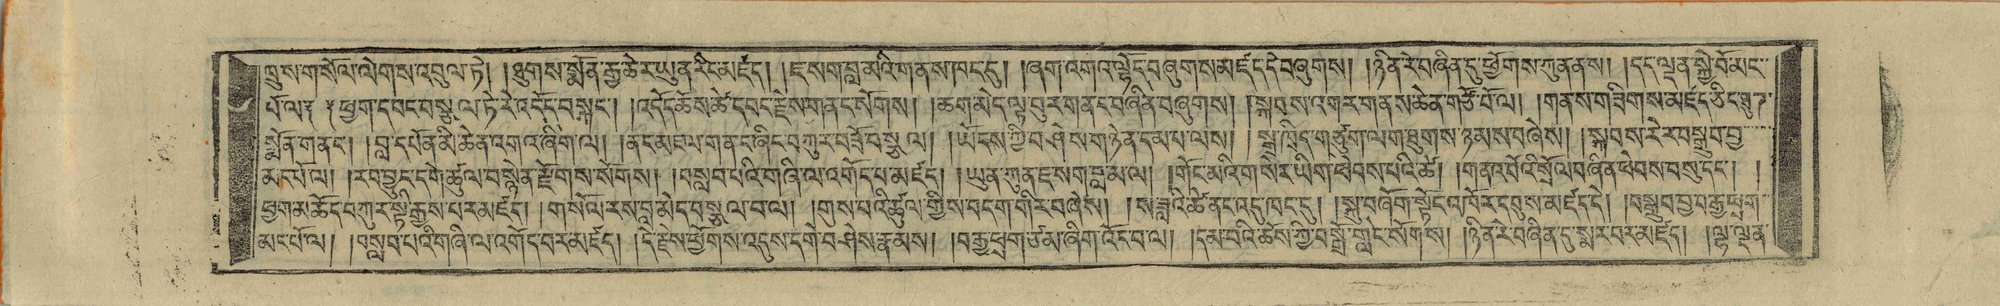ཁྲུས་གསོལ་ལེགས་འབུལ་ཏེ། །ཐུགས་སྨོན་རྒྱ་ཆེར་ཡུན་རིང་མཛད། །ཇ་སག་བླ་མའི་གནས་ཁང་དུ། །ཞག་འགའ་ལྷོད་བཞུགས་མཛད་དེ་བཞུགས། །ཉིན་རེ་བཞིན་དུ་ཕྱོགས་ཀུན་ནས། །དད་ལྡན་སྐྱེ་བོ་མང་
པོ་ལ། །ཕྱག་དབང་བསྩལ་ཏེ་རེ་འདོད་བསྐང་། །འདོད་ཆོས་ཚེ་དབང་རྗེས་གནང་སོགས། །ཆག་མེད་ལྟ་བུར་གནང་བཞིན་བཞུགས། །སྐབས་འགར་གནས་ཆེན་གཙོ་བོ་ལ། །གནས་གཟིགས་མཛད་ཅིང་ཐུགས་
སྨོན་གནང་། །བླ་དཔོན་མི་ཆེན་འགའ་ཞིག་ལ། །ནང་མཇལ་གནང་ཞིང་བཀུར་བཟོ་བསྩལ། །ཡོངས་ཀྱི་བཤེས་གཉེན་དམ་པ་ལས། །སྒྲ་ཁྲིད་གཙུག་ལག་ཐུགས་ཉམས་བཞེས། །སྐབས་རེར་བསྒྲུབ་བྱ་
མང་པོ་ལ། །རབ་བྱུང་དགེ་ཚུལ་བསྙེན་རྫོགས་སོགས། །བསླབ་པའི་གཞི་ལ་འགོད་པ་མཛད། །ཡུན་ཀུན་ཇ་སག་བླ་མ་ལ། །གོང་མའི་གསེར་ཡིག་ཕེབས་པའི་ཚེ། །གནའ་བོའི་སྲོལ་བཞིན་ཕེབས་བསུ་དང་། །
ཕྱག་མཆོད་བཀུར་སྟི་རྒྱས་པར་མཛད། །གསོལ་རས་བླ་མེད་བསྩལ་བ་ལ། །གུས་པའི་ཚུལ་གྱིས་བདག་གིར་བཞེས། །ས་ཟླའི་ཚེ་ནང་འདུ་ཁང་དུ། །སྐུ་བཞོག་སྟོང་འཁོར་དབུས་མཛད་དེ། །བསྒྲུབ་བྱ་བརྒྱ་ཕྲག་
མང་པོ་ལ། །བསླབ་པའི་གཞི་ལ་འགོད་བར་མཛད། །དེ་རྗེས་ཕྱོགས་འདུས་དགེ་བཤེས་རྣམས། །བརྒྱ་ཕྲག་ཙམ་ཞིག་འོང་བ་ལ། །དམ་པའི་ཆོས་ཀྱི་བསྒྲོ་གླེང་སོགས། །ཉིན་རེ་བཞིན་དུ་སྨར་བར་མཛད། །ལྷ་ལྡན་